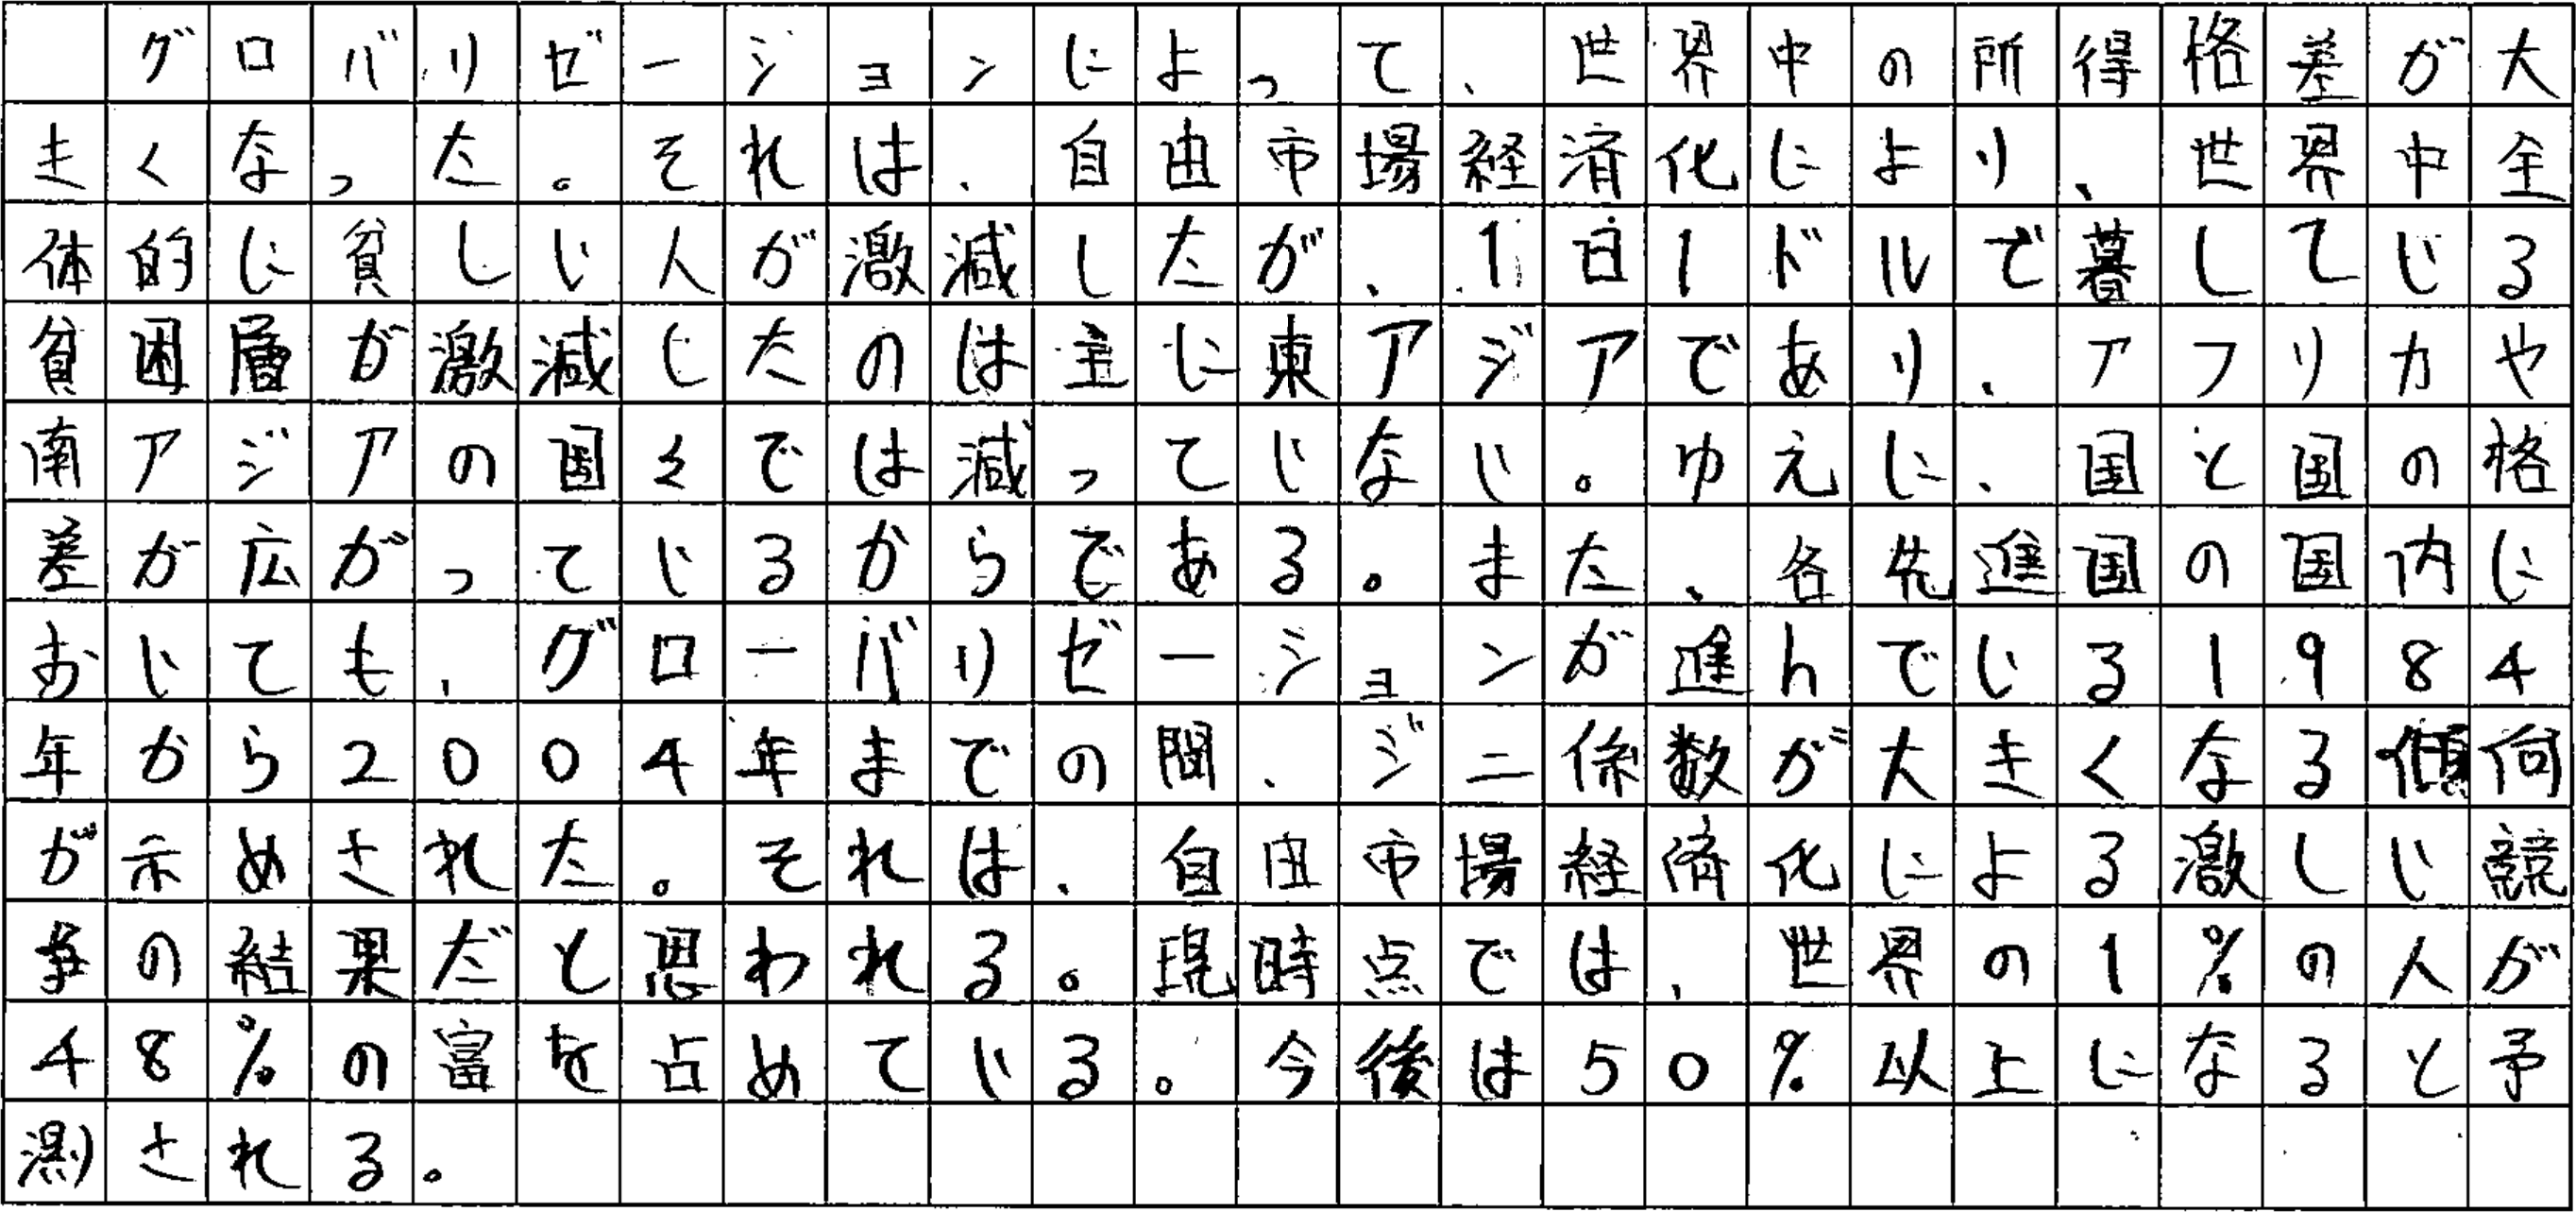　グローバリゼーションによって、世界中の所得格差が大きくなった。それは、自由市場経済化により、世界中全体的に貧しい人が激減したが、１日１ドルで暮している貧困層が激減したのは主に東アジアであり、アフリカや南アジアの国々では減っていない。ゆえに、国と国の格差が広がっているからである。また、各先進国の国内においても、グローバリゼーションが進んでいる１９８４年から２００４年までの間、ジニ係数が大きくなる傾向が示めされた。それは、自由市場経済化による激しい競争の結果だと思われる。現時点では、世界の１％の人が４８％の富を占めている。今後は５０％以上になると予測される。
